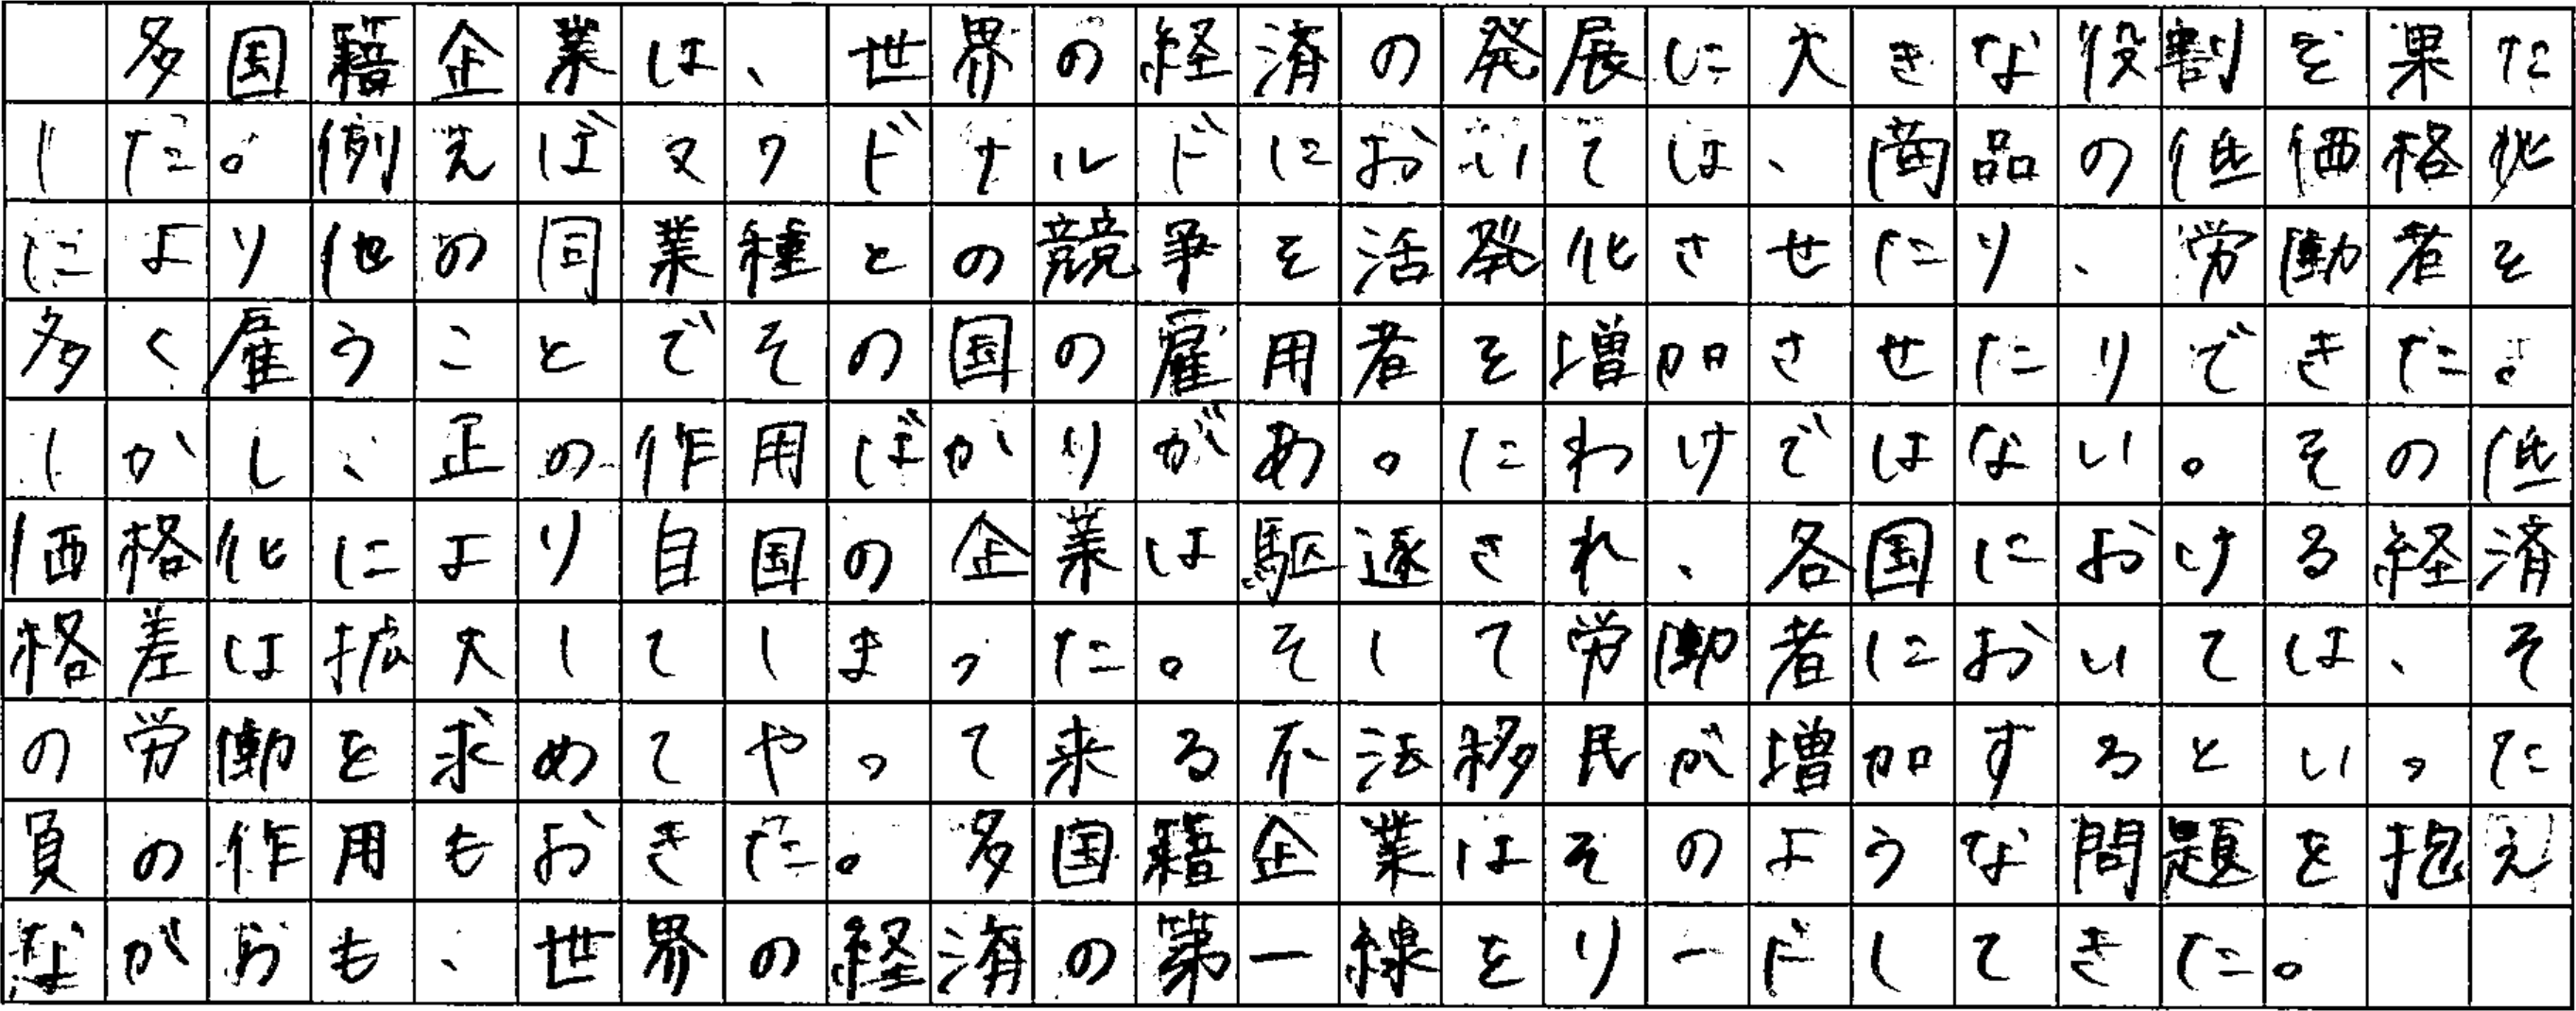　多国籍企業は、世界の経済の発展に大きな役割を果たした。例えばマクドナルドにおいては、商品の低価格化により他の同業種との競争を活発化させたり、労働者を多く雇うことでその国の雇用者を増加させたりできた。しかし、正の作用ばかりがあったわけではない。その低価格化により自国の企業は駆逐され、各国における経済格差は拡大してしまった。そして労働者においては、その労働を求めてやって来る不法移民が増加するといった負の作用もおきた。多国籍企業はそのような問題を抱えながらも、世界の経済の第一線をリードしてきた。
